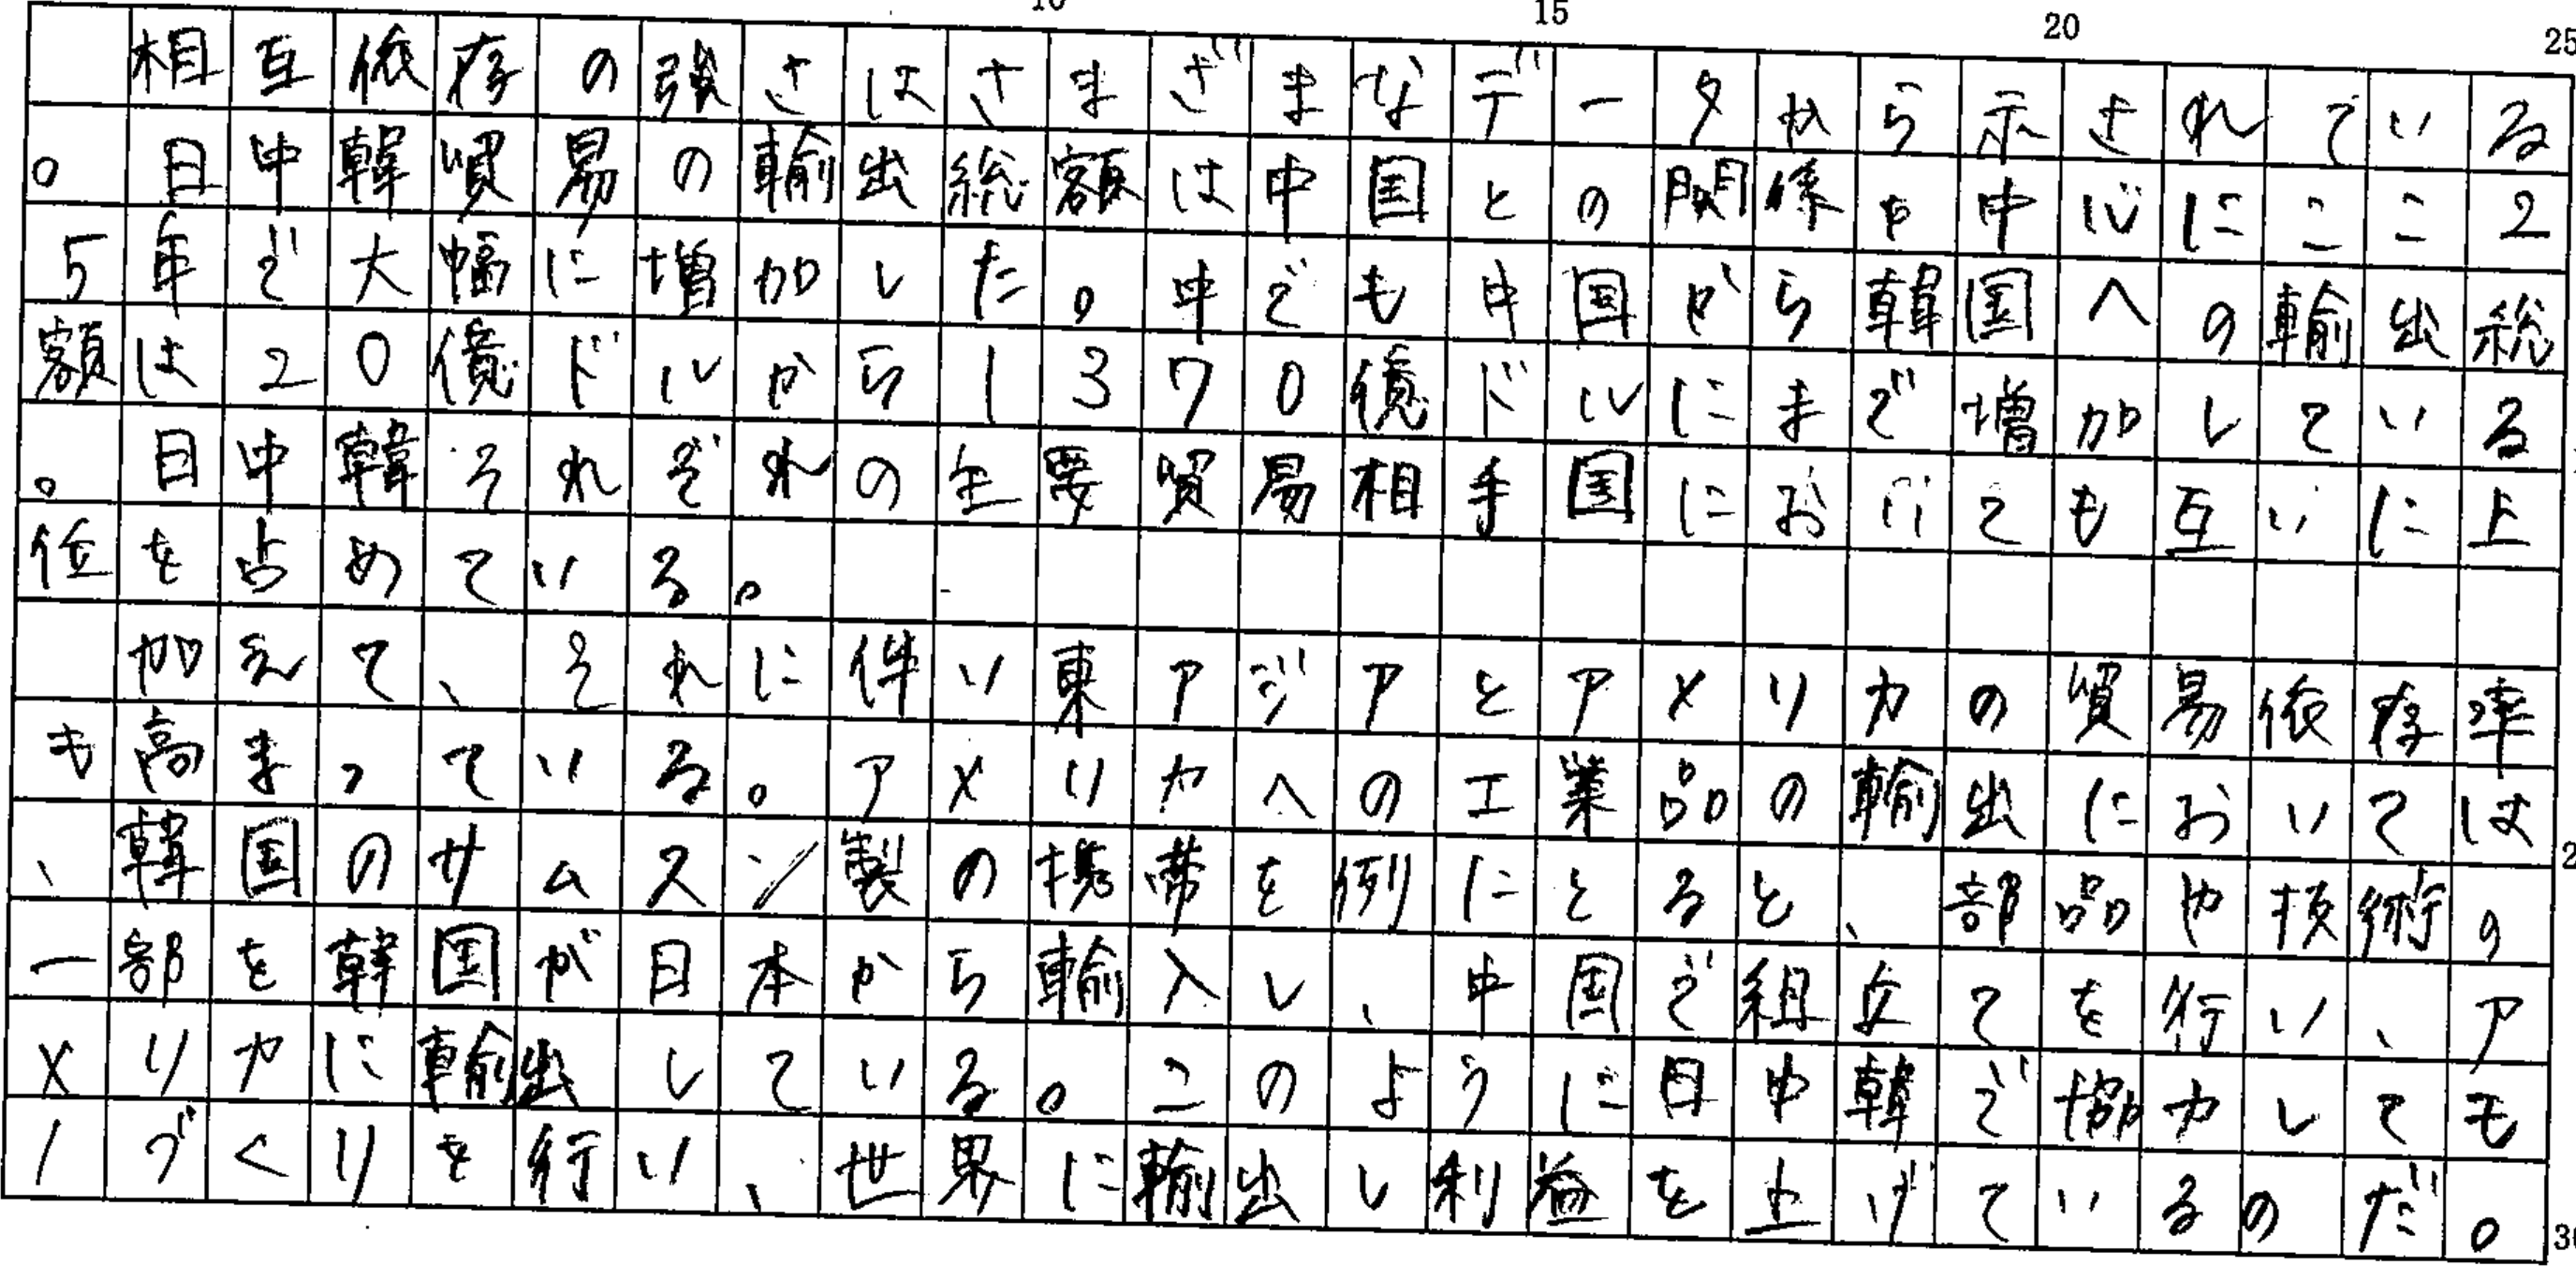　相互依存の強さはさまざまなデータから示されている。日中韓貿易の輸出総額は中国との関係を中心にここ２５年で大幅に増加した。中でも中国から韓国への輸出総額は２０億ドルから１３７０億ドルにまで増加している。日中韓それぞれの主要貿易相手国においても互いに上位を占めている。
　加えて、それに伴い東アジアとアメリカの貿易依存率も高まっている。アメリカへの工業品の輸出においては、韓国のサムスン製の携帯を例にとると、部品や技術の一部を韓国が日本から輸入し、中国で組立てを行い、アメリカに輸出している。このように日中韓で協力してモノづくりを行い、世界に輸出し利益を上げているのだ。
